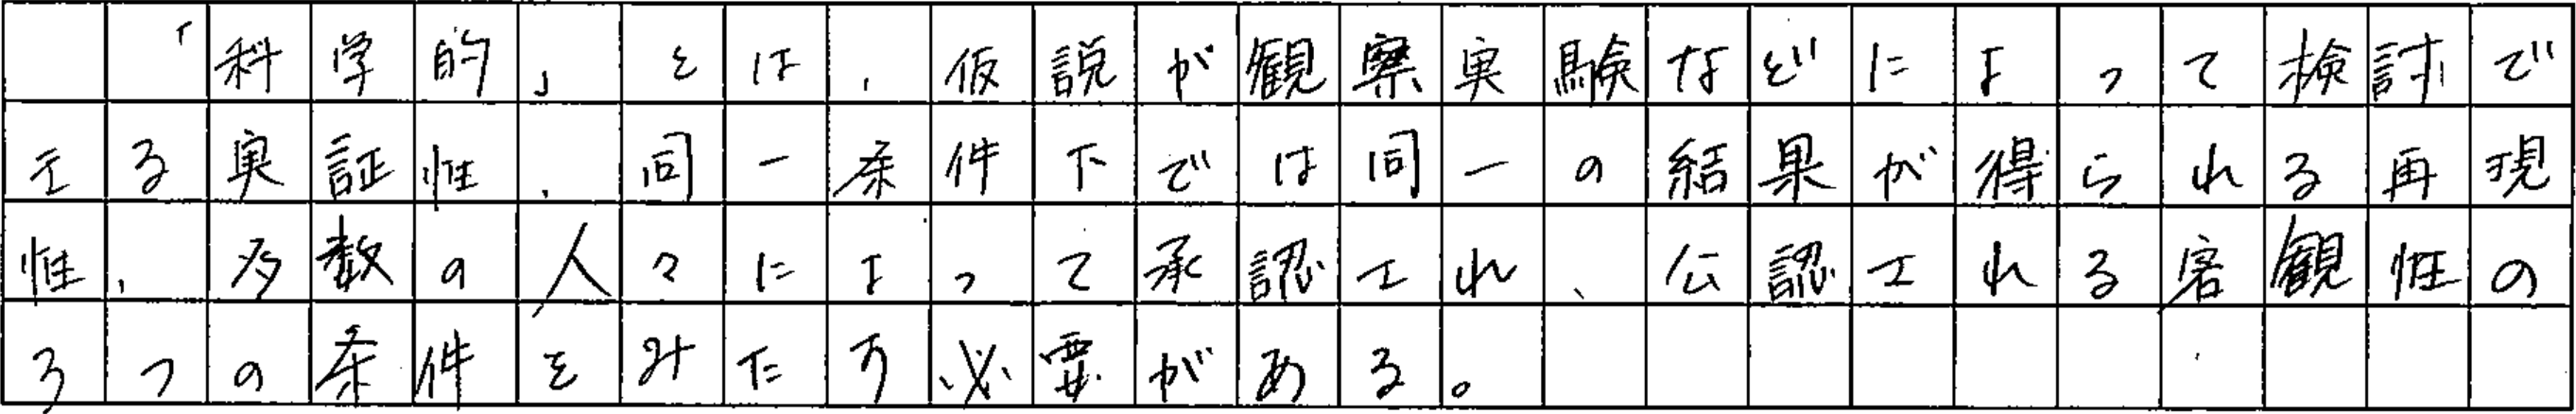　「科学的」とは、仮説が観察実験などによって検討できる実証性、同一条件下では同一の結果が得られる再現性、多数の人々によって承認され、公認される客観性の３つの条件をみたす必要がある。
